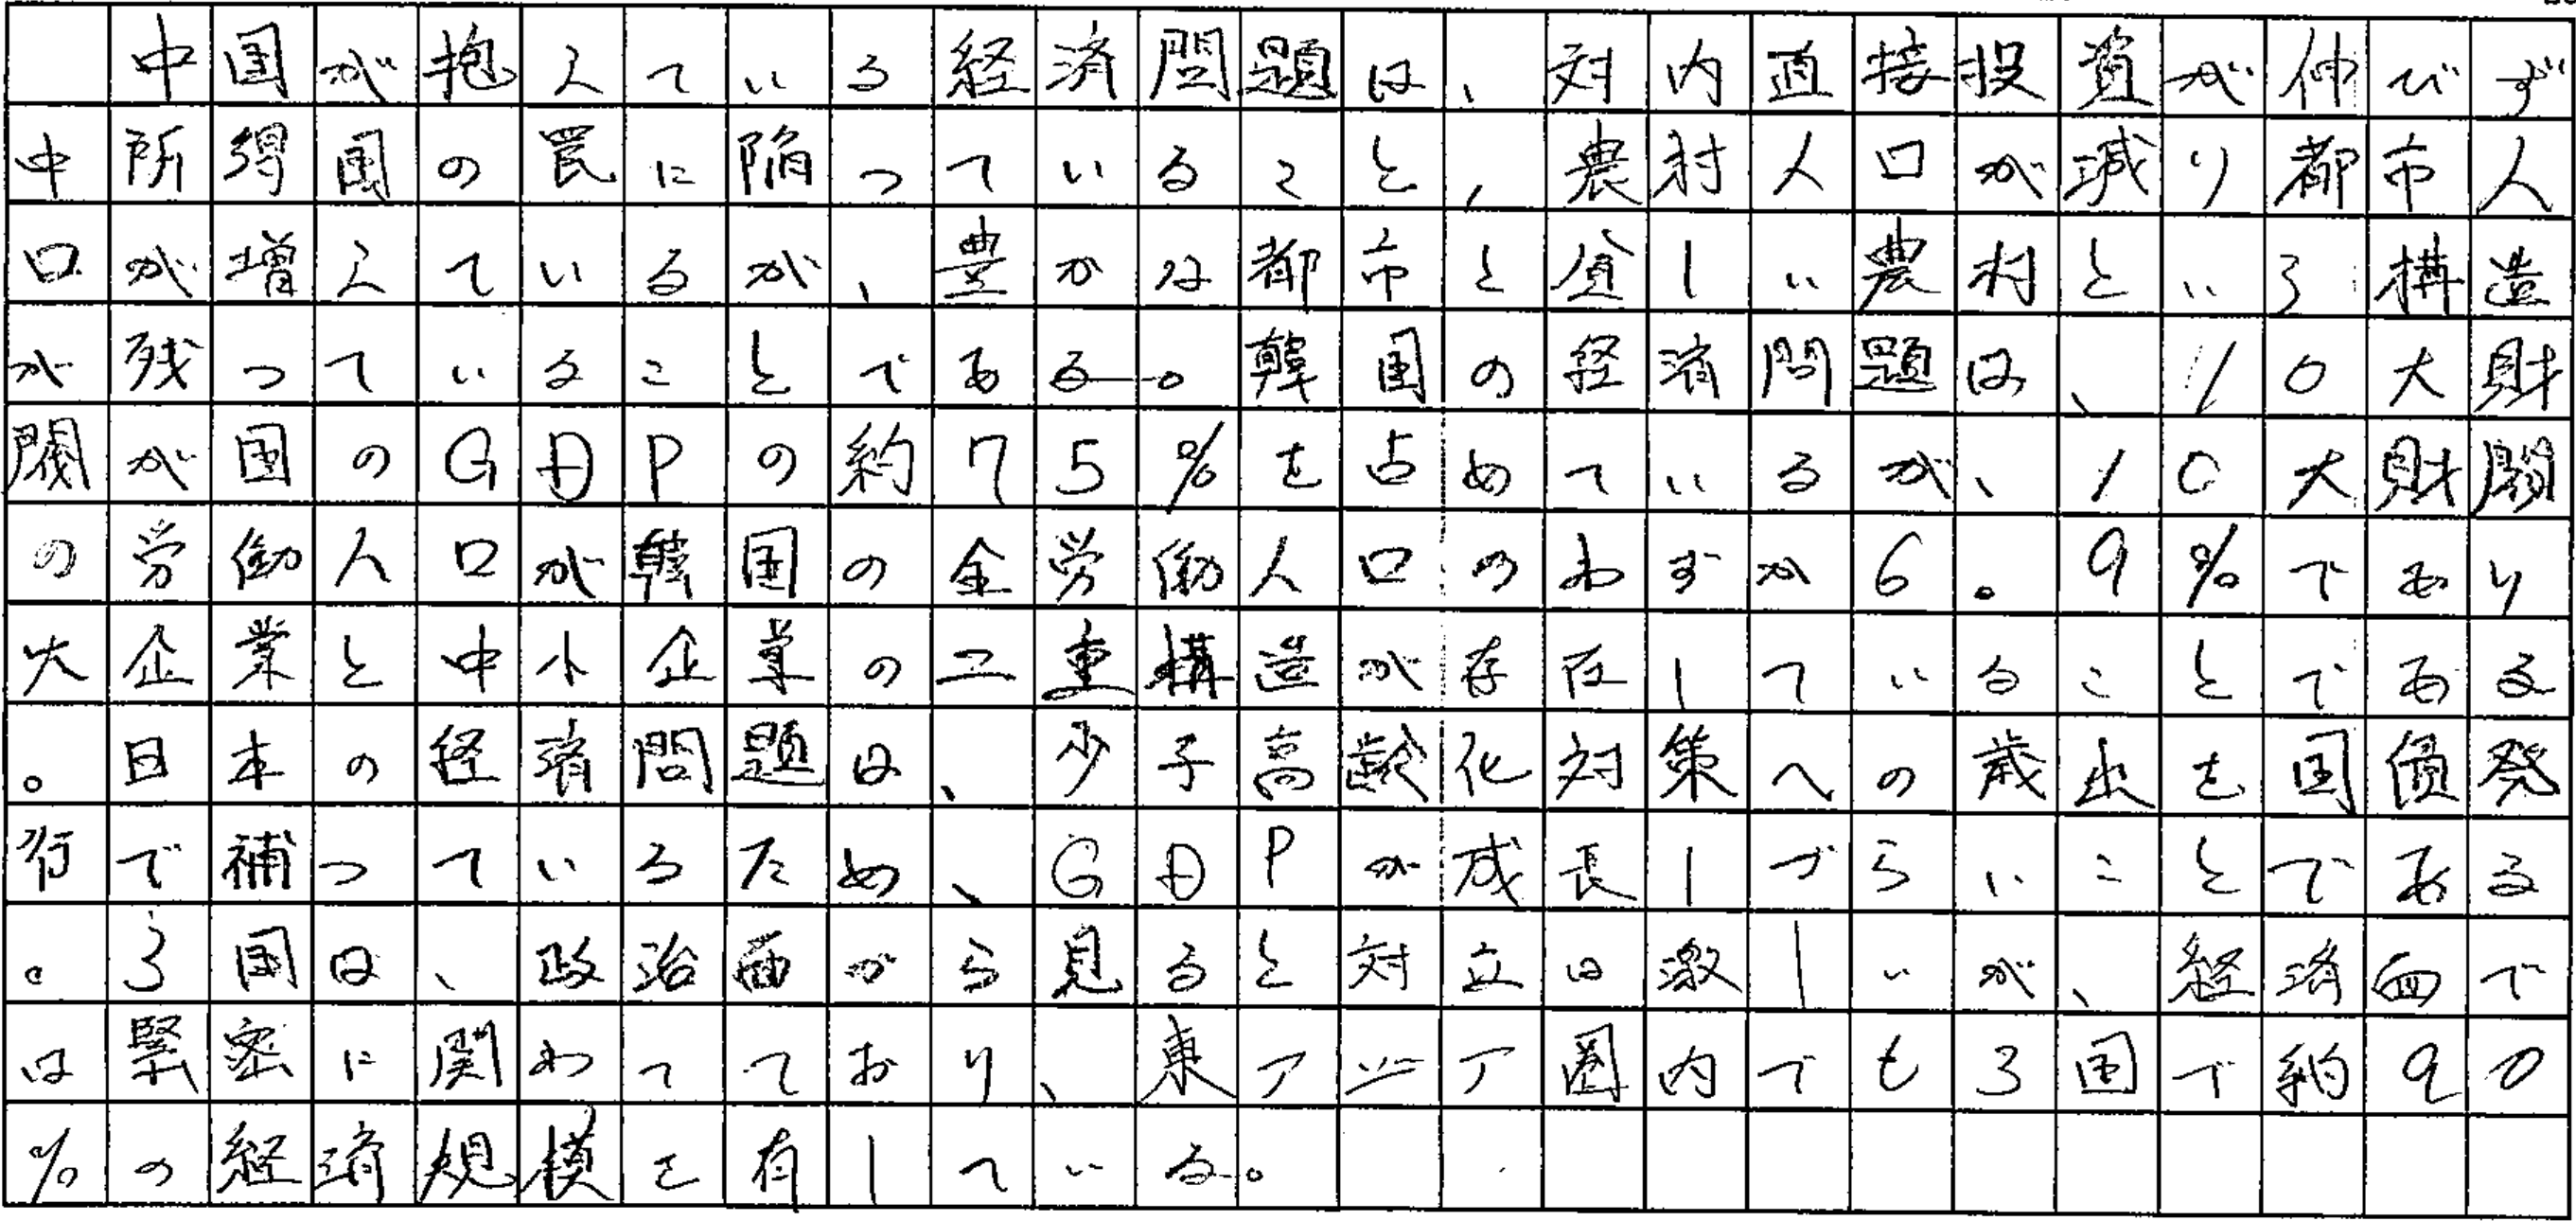　中国が抱えている経済問題は、対内直接投資が伸びず中所得国の罠に陥っていること，農村人口が減り都市人口が増えているが、豊かな都市と貧しい農村という構造が残っていることである。韓国の経済問題は、１０大財閥が国のＧＤＰの約７５％を占めているが、１０大財閥の労働人口が韓国の全労働人口のわずか６．９％であり大企業と中小企業の二重構造が存在していることである。日本の経済問題は、少子高齢化対策への歳出を国債発行で補っているため、ＧＤＰが成長しづらいことである。３国は、政治面から見ると対立は激しいが、経済面では緊密に関わっており、東アジア圏内でも３国で約９０％の経済規模を有している。
